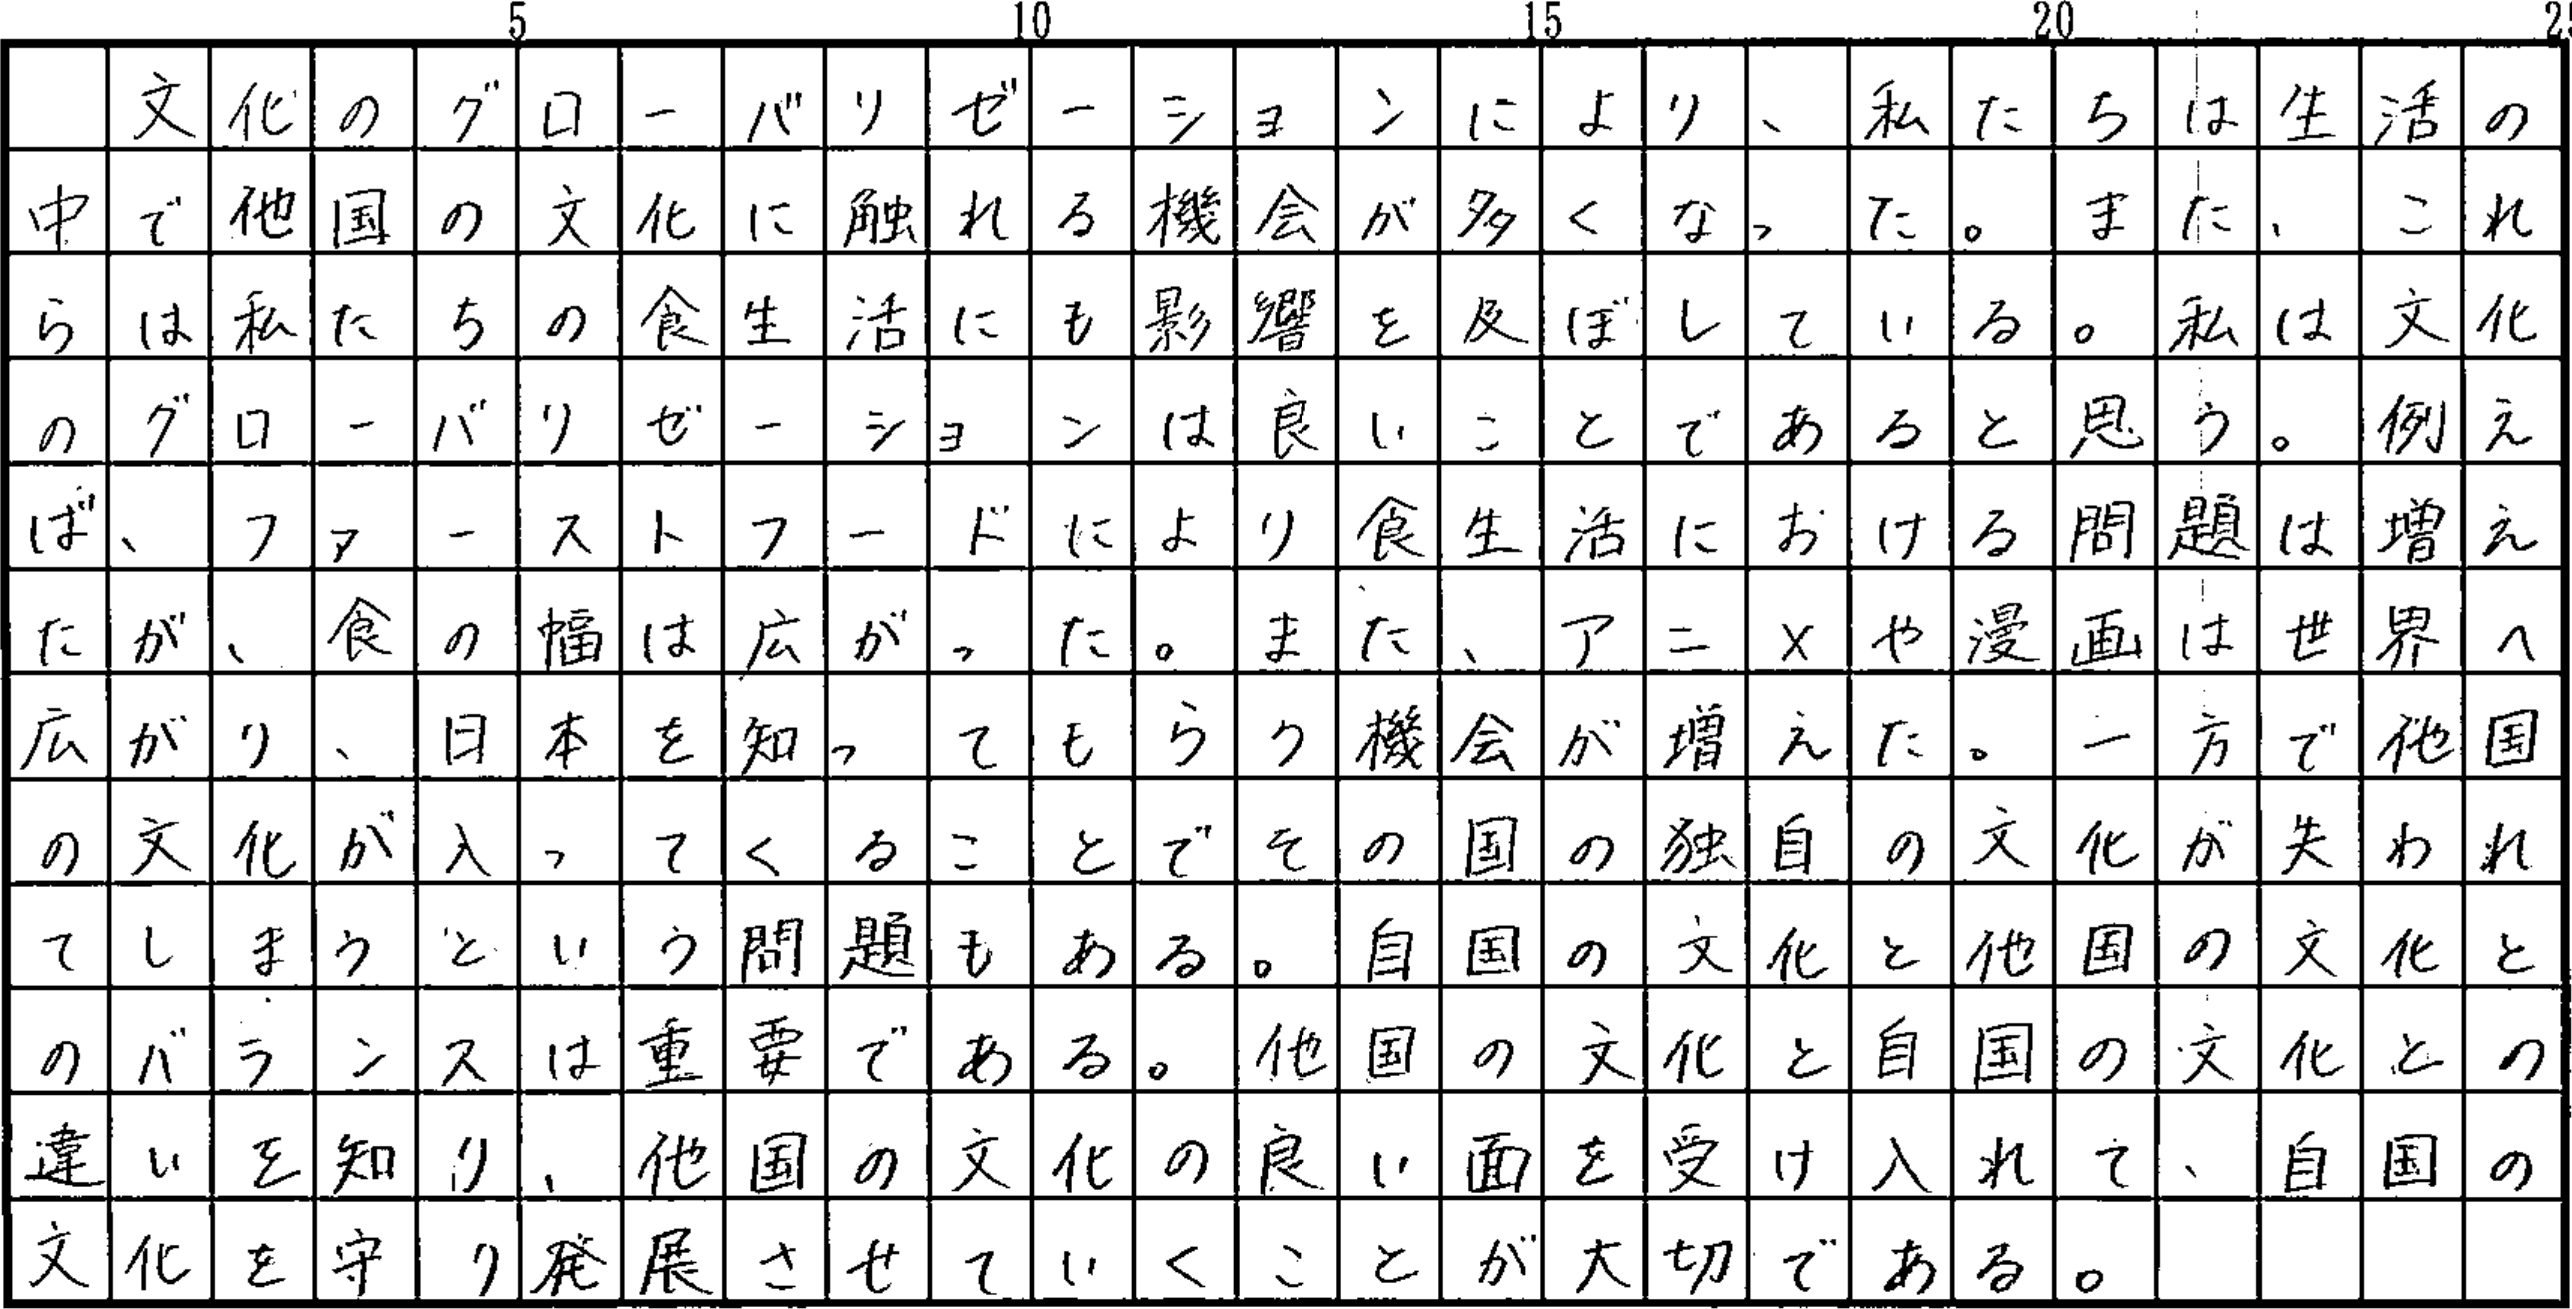　文化のグローバリゼーションにより、私たちは生活の中で他国の文化に触れる機会が多くなった。また、これらは私たちの食生活にも影響を及ぼしている。私は文化のグローバリゼーションは良いことであると思う。例えば、ファーストフードにより食生活における問題は増えたが、食の幅は広がった。また、アニメや漫画は世界へ広がり、日本を知ってもらう機会が増えた。一方で他国の文化が入ってくることでその国の独自の文化が失われてしまうという問題もある。自国の文化と他国の文化とのバランスは重要である。他国の文化と自国の文化との違いを知り、他国の文化の良い面を受け入れて、自国の文化を守り発展させていくことが大切である。
